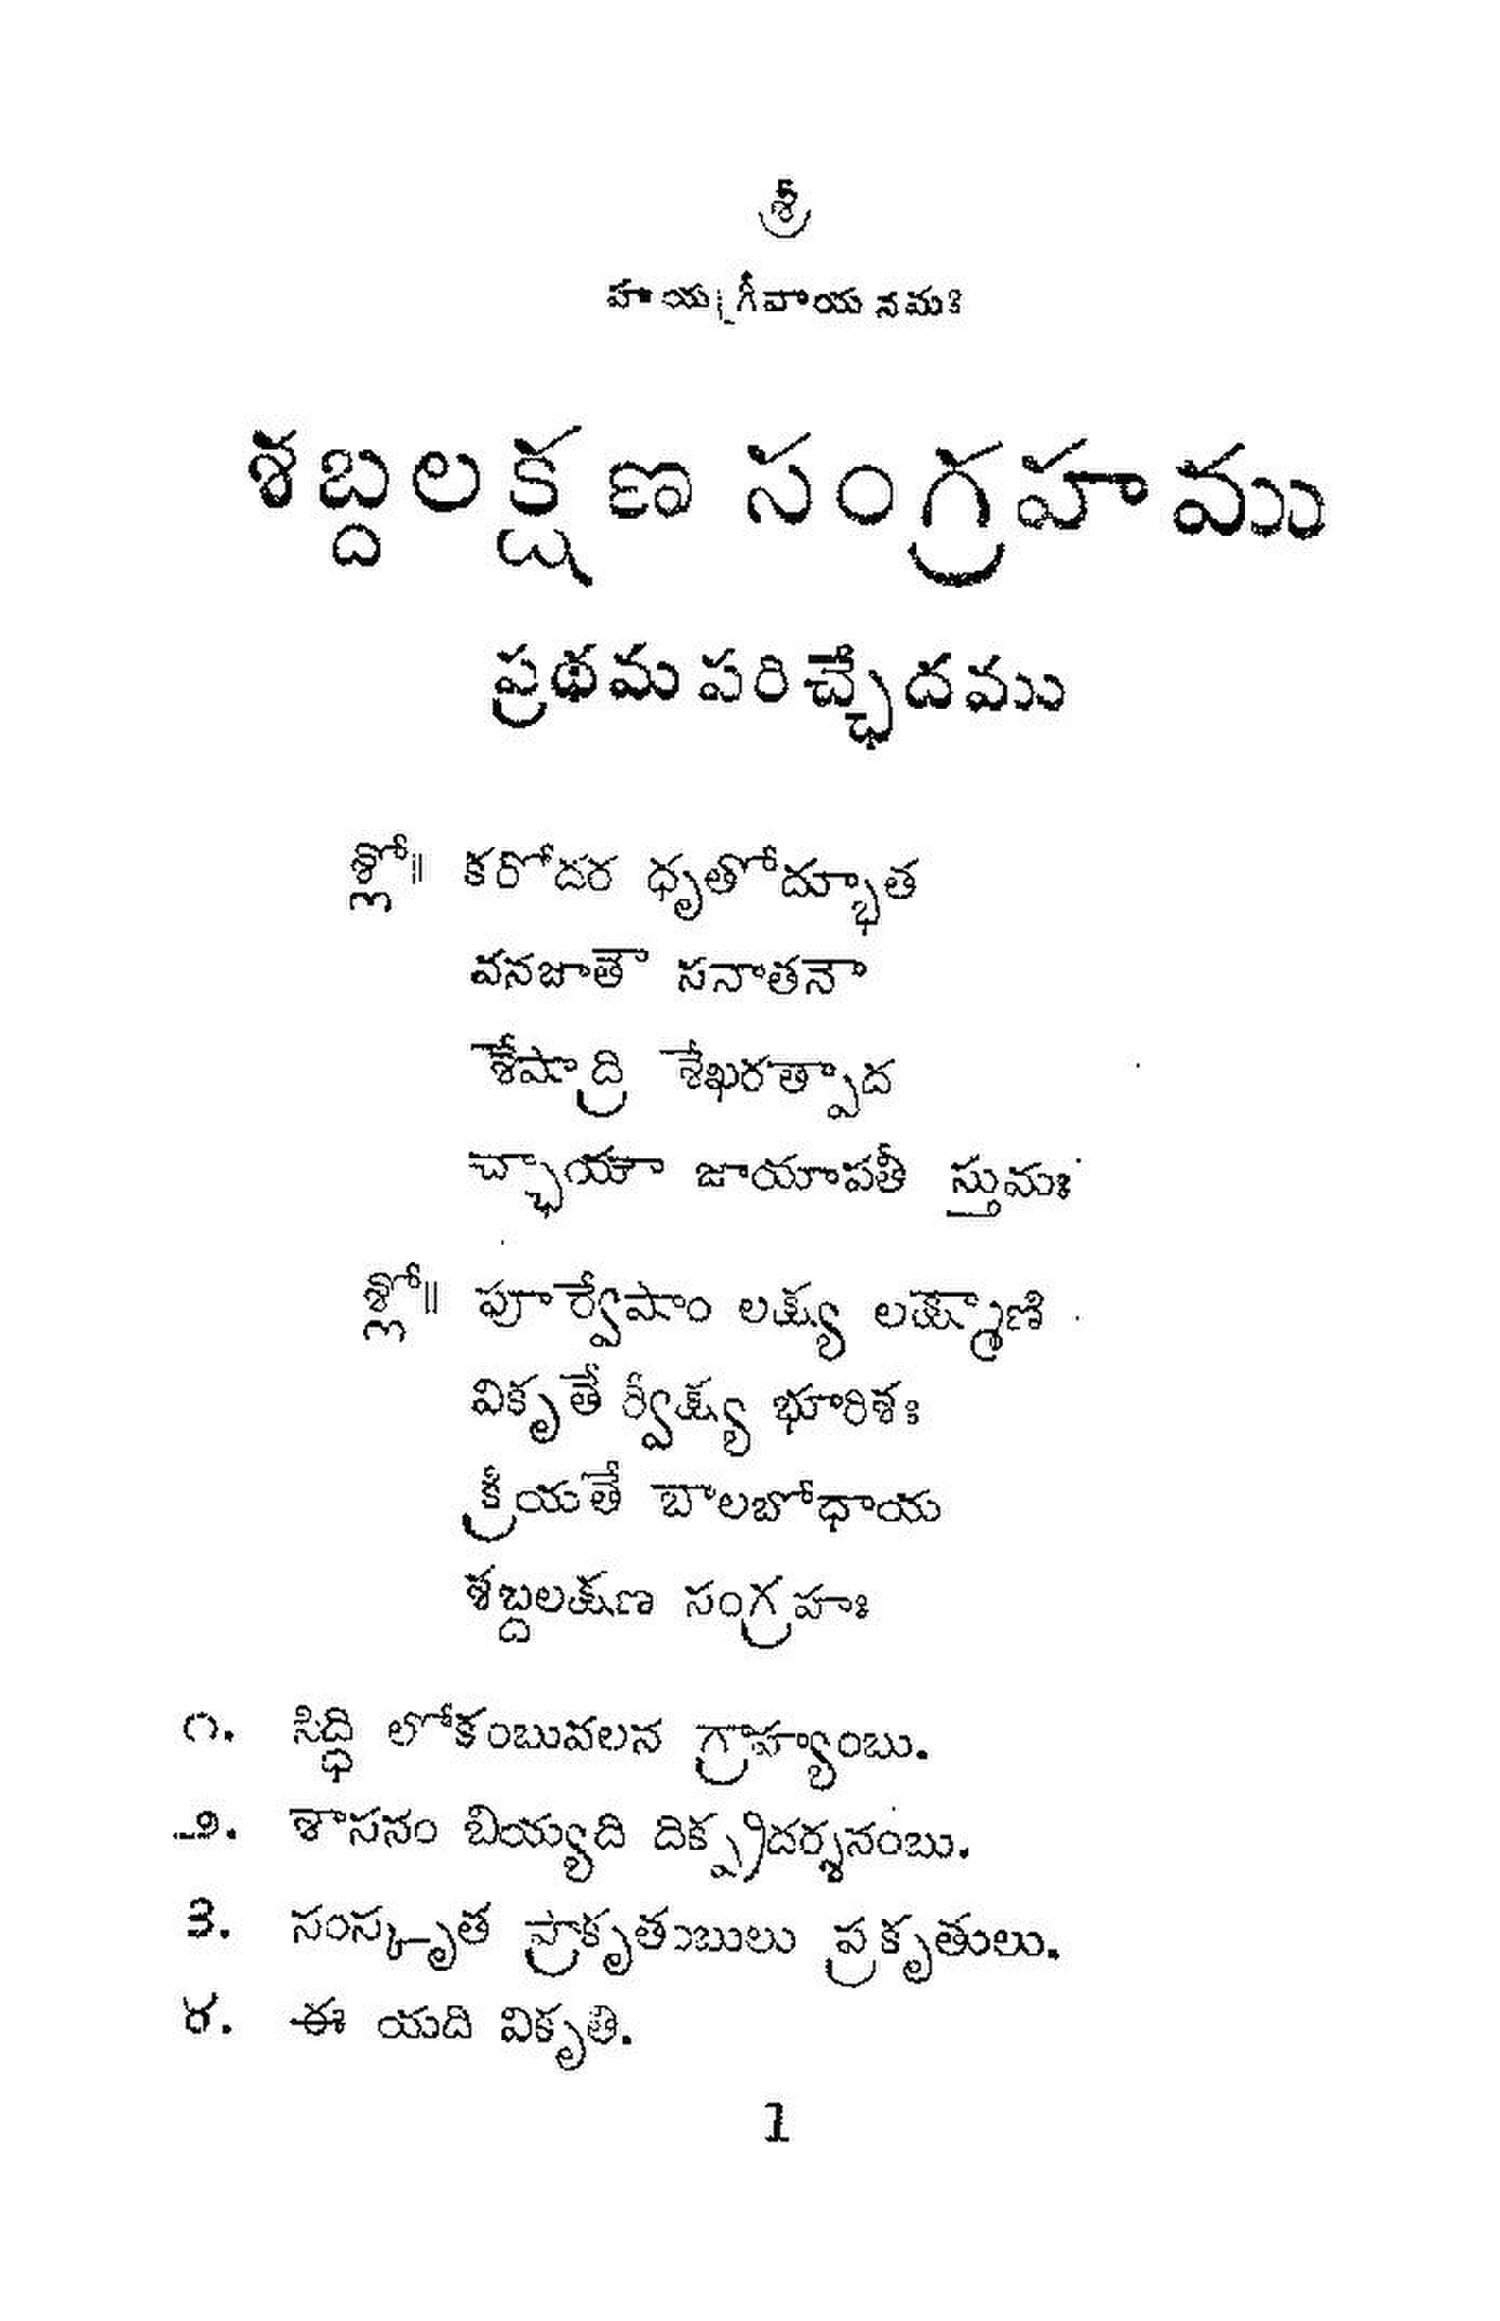శ్రీ
హయగ్రీవాయ నమః

శబ్దలక్షణ సంగ్రహము

ప్రథమ పరిచ్ఛేదము

శ్లో|| కరోదర ధృతోద్భూత 
 వనజాతౌ సనాతనౌ 
 శేషాద్రి శేఖరత్పాద 
 చ్ఛాయౌ జాయాపతీ స్తుమః 

శ్లో॥ పూర్వేషాం లక్ష్య లక్ష్మాణి 
 వికృతే ర్వీక్ష్య భూరిశ్య
 క్రీయతే బాలబోధాయ
 శబ్దలక్షణ సంగ్రహః 
1. సిద్ధి లోకంబువలన గ్రాహ్యంబు. 

2. శాససం బియ్యది దిక్ప్రదర్శనంబు. 

3. సంస్కృత ప్రాకృతంబులు ప్రకృతులు. 

4. ఈ యది వికృతి.